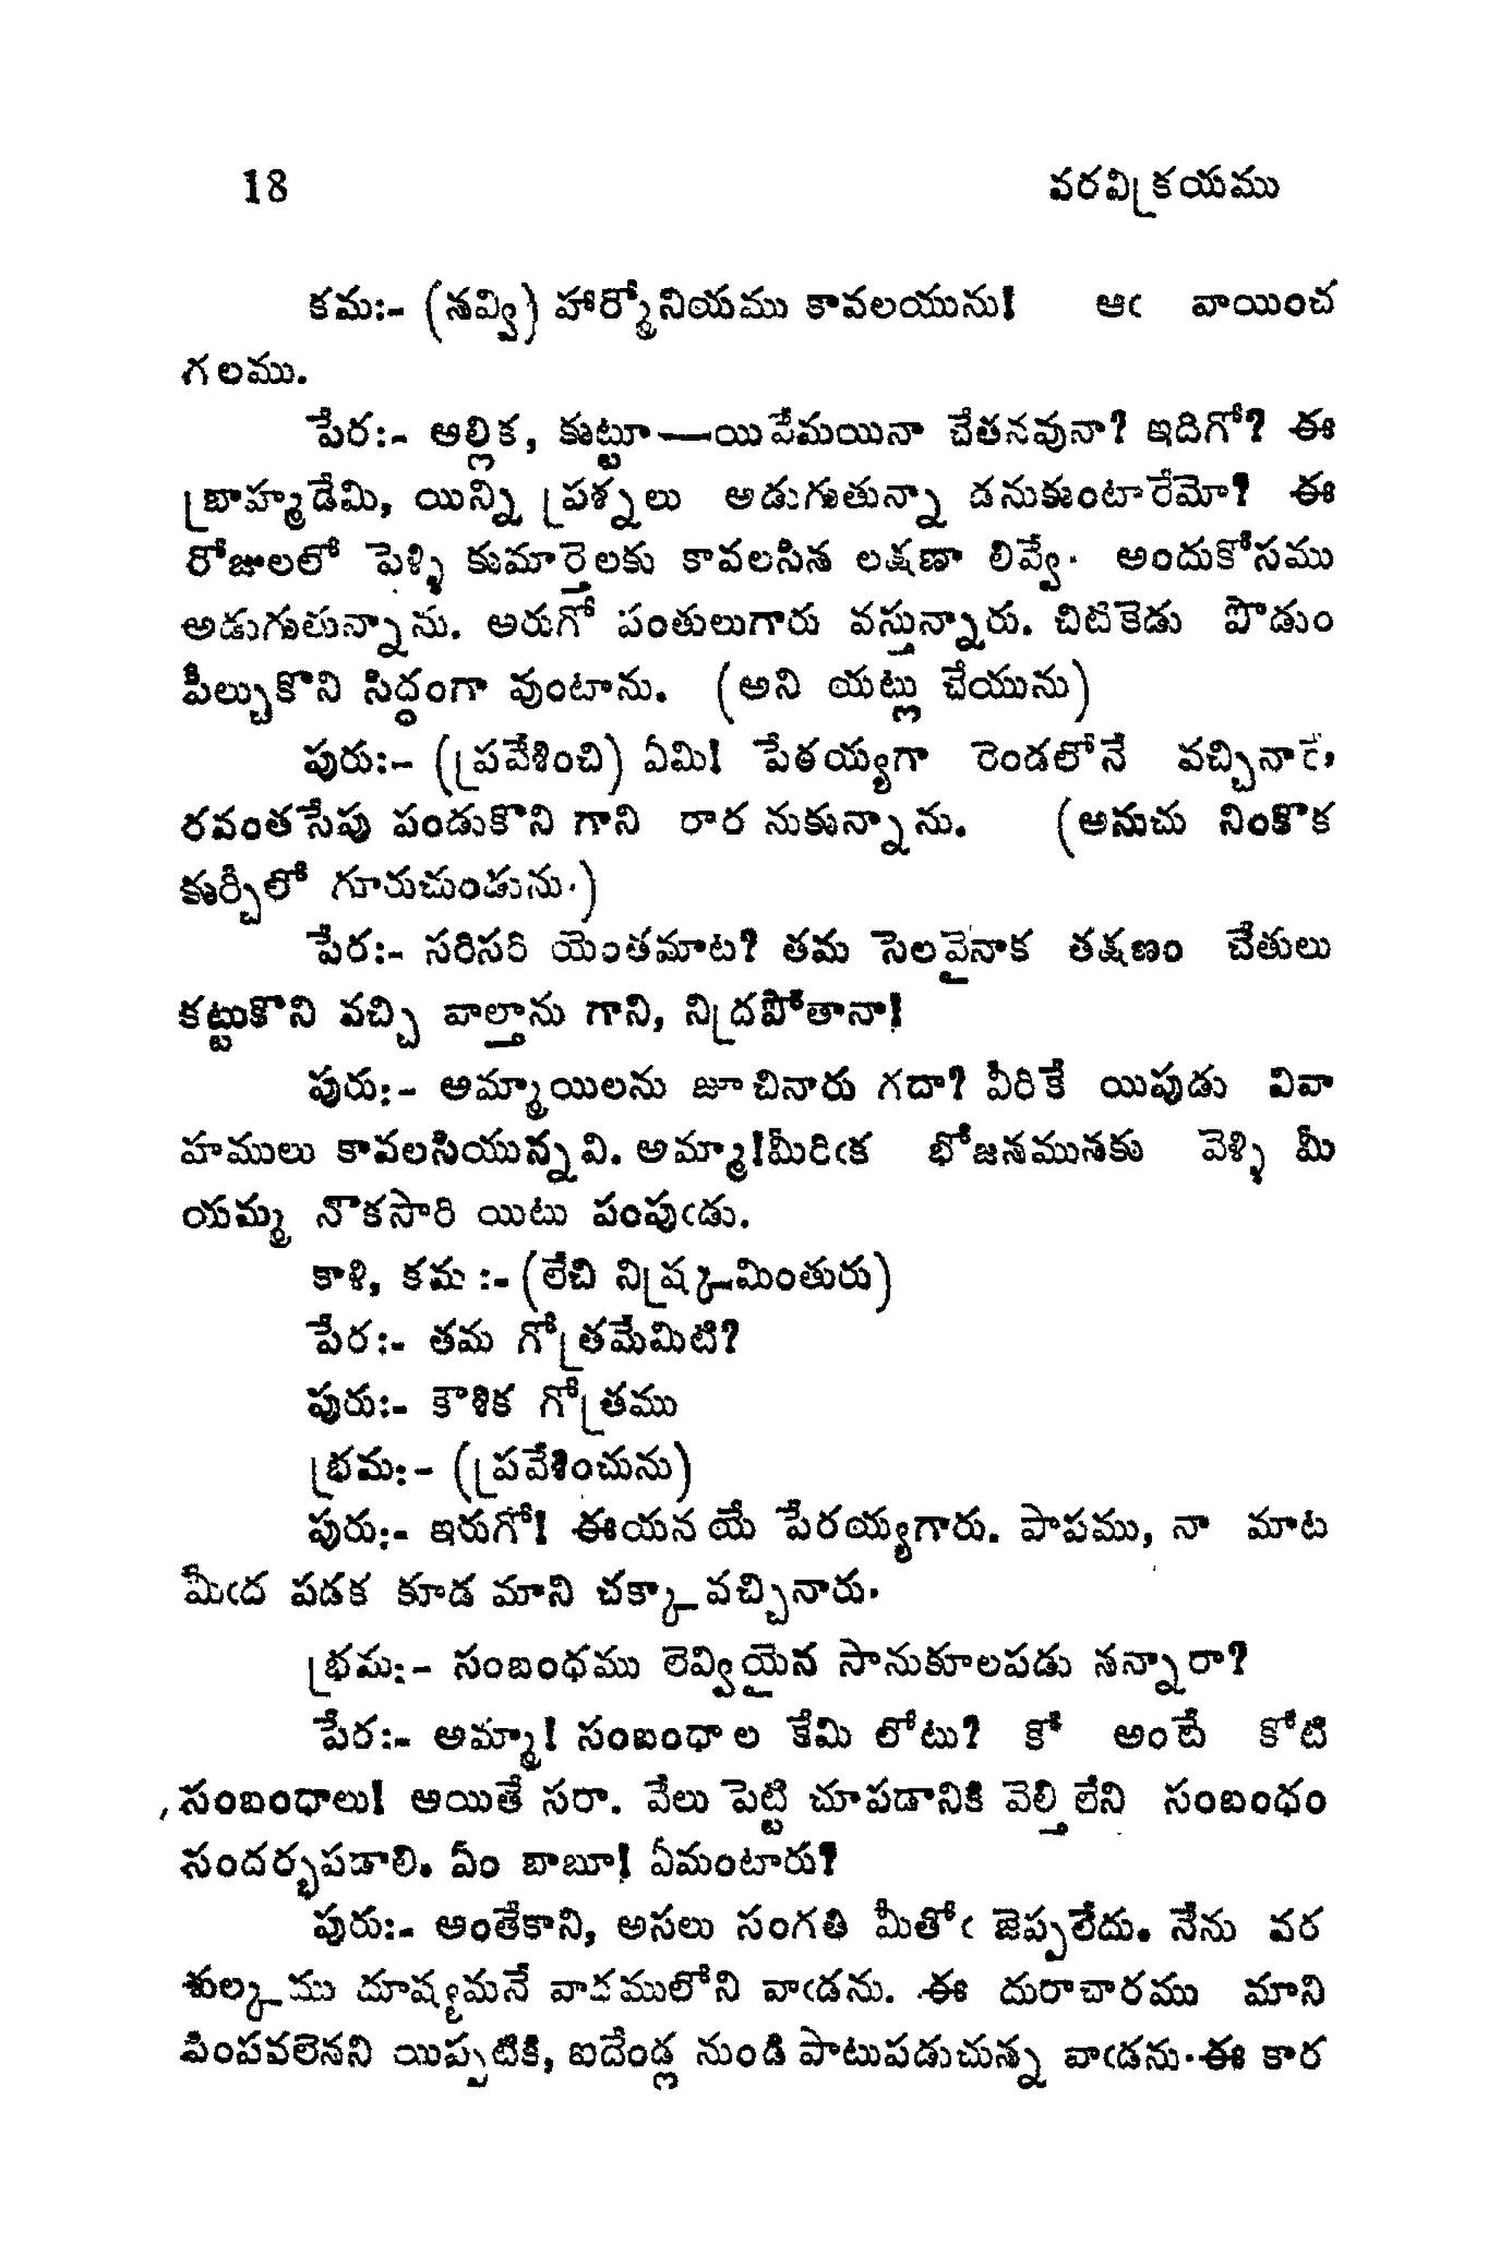కమ:- (నవ్వి) హార్మోనియము కావలయును! ఆఁ వాయించ
గలము.

పేర:- అల్లికా, కుట్టూ___యివేమయినా చేతవునా? ఇదుగో? ఈ బ్రాహ్మడేమి, యిన్ని ప్రశ్నలు అడుగుతున్నా డనుకుంటారేమో? ఈ రోజులలో పెళ్లి కుమార్తెలకు కావలసిన లక్షణా లివ్వే. అందుకోసము అడుగుతున్నాను. అరుగో పంతులుగారు వస్తున్నారు. చిటికెడు పొడుం పీల్చుకుని సిద్ధంగా వుంటాను. (అని యట్లు చేయును.)

పురు:- (ప్రవేశించి) ఏమీ! పేరయ్యగా రెండలోనే వచ్చినారే. రవంతసేపు పండుకొని కాని రార నుకొన్నాను. (అనుచు నింకొక కుర్చీలోఁ గూరుచుండును.)

పేర:- సరిసరి యెంతమాట? తమ సెలవైనాక, తక్షణం చేతులు కట్టుకొని వచ్చి వాల్తాను గాని, నిద్రపోతానా!

పురు:- అమ్మాయిలను జూచినారు గదా? వీరికే యిపుడు వివాహములు కావలసియున్నవి. అమ్మా! మీరిఁక భోజనమునకు వెళ్ళి మీయమ్మ నొకసారి యిటు పంపుఁడు.

కాళి, కమ:- (లేచి నిష్క్రమింతురు.)

పేర:- తమ గోత్రమేమిటి?

పురు:- కౌశిక గోత్రము.

భ్రమ:- (ప్రవేశించును.)

పురు:- ఇరుగో! ఈయనయే పేరయ్యగారు. పాపము, నామాటమీఁద పడక కూడ మాని చక్కవచ్చినారు.

భ్రమ:- సంబంధము లెవ్వియైన సానుకూలపడు నన్నారా?

పేర:- అమ్మా! సంబంధాల కేమి లోటు? కో అంటే కోటి సంబంధాలు! అయితే సరా, వేలు పెట్టి చూపడానికి వెల్తిలేని సంబంధం సందర్భపడాలి. ఏం బాబూ! ఏమంటారు?

పురు:- అంతేకాని, అసలు సంగతి మీతోఁ జెప్పలేదు. నేను వరశుల్కము దూష్యమనే వాదములోని వాఁడను. ఈ దురాచారము మానిపింపవలెనని, యిప్పటికి ఐదేండ్ల నుండి పాటుపడుచున్న వాఁడను. ఈ కార